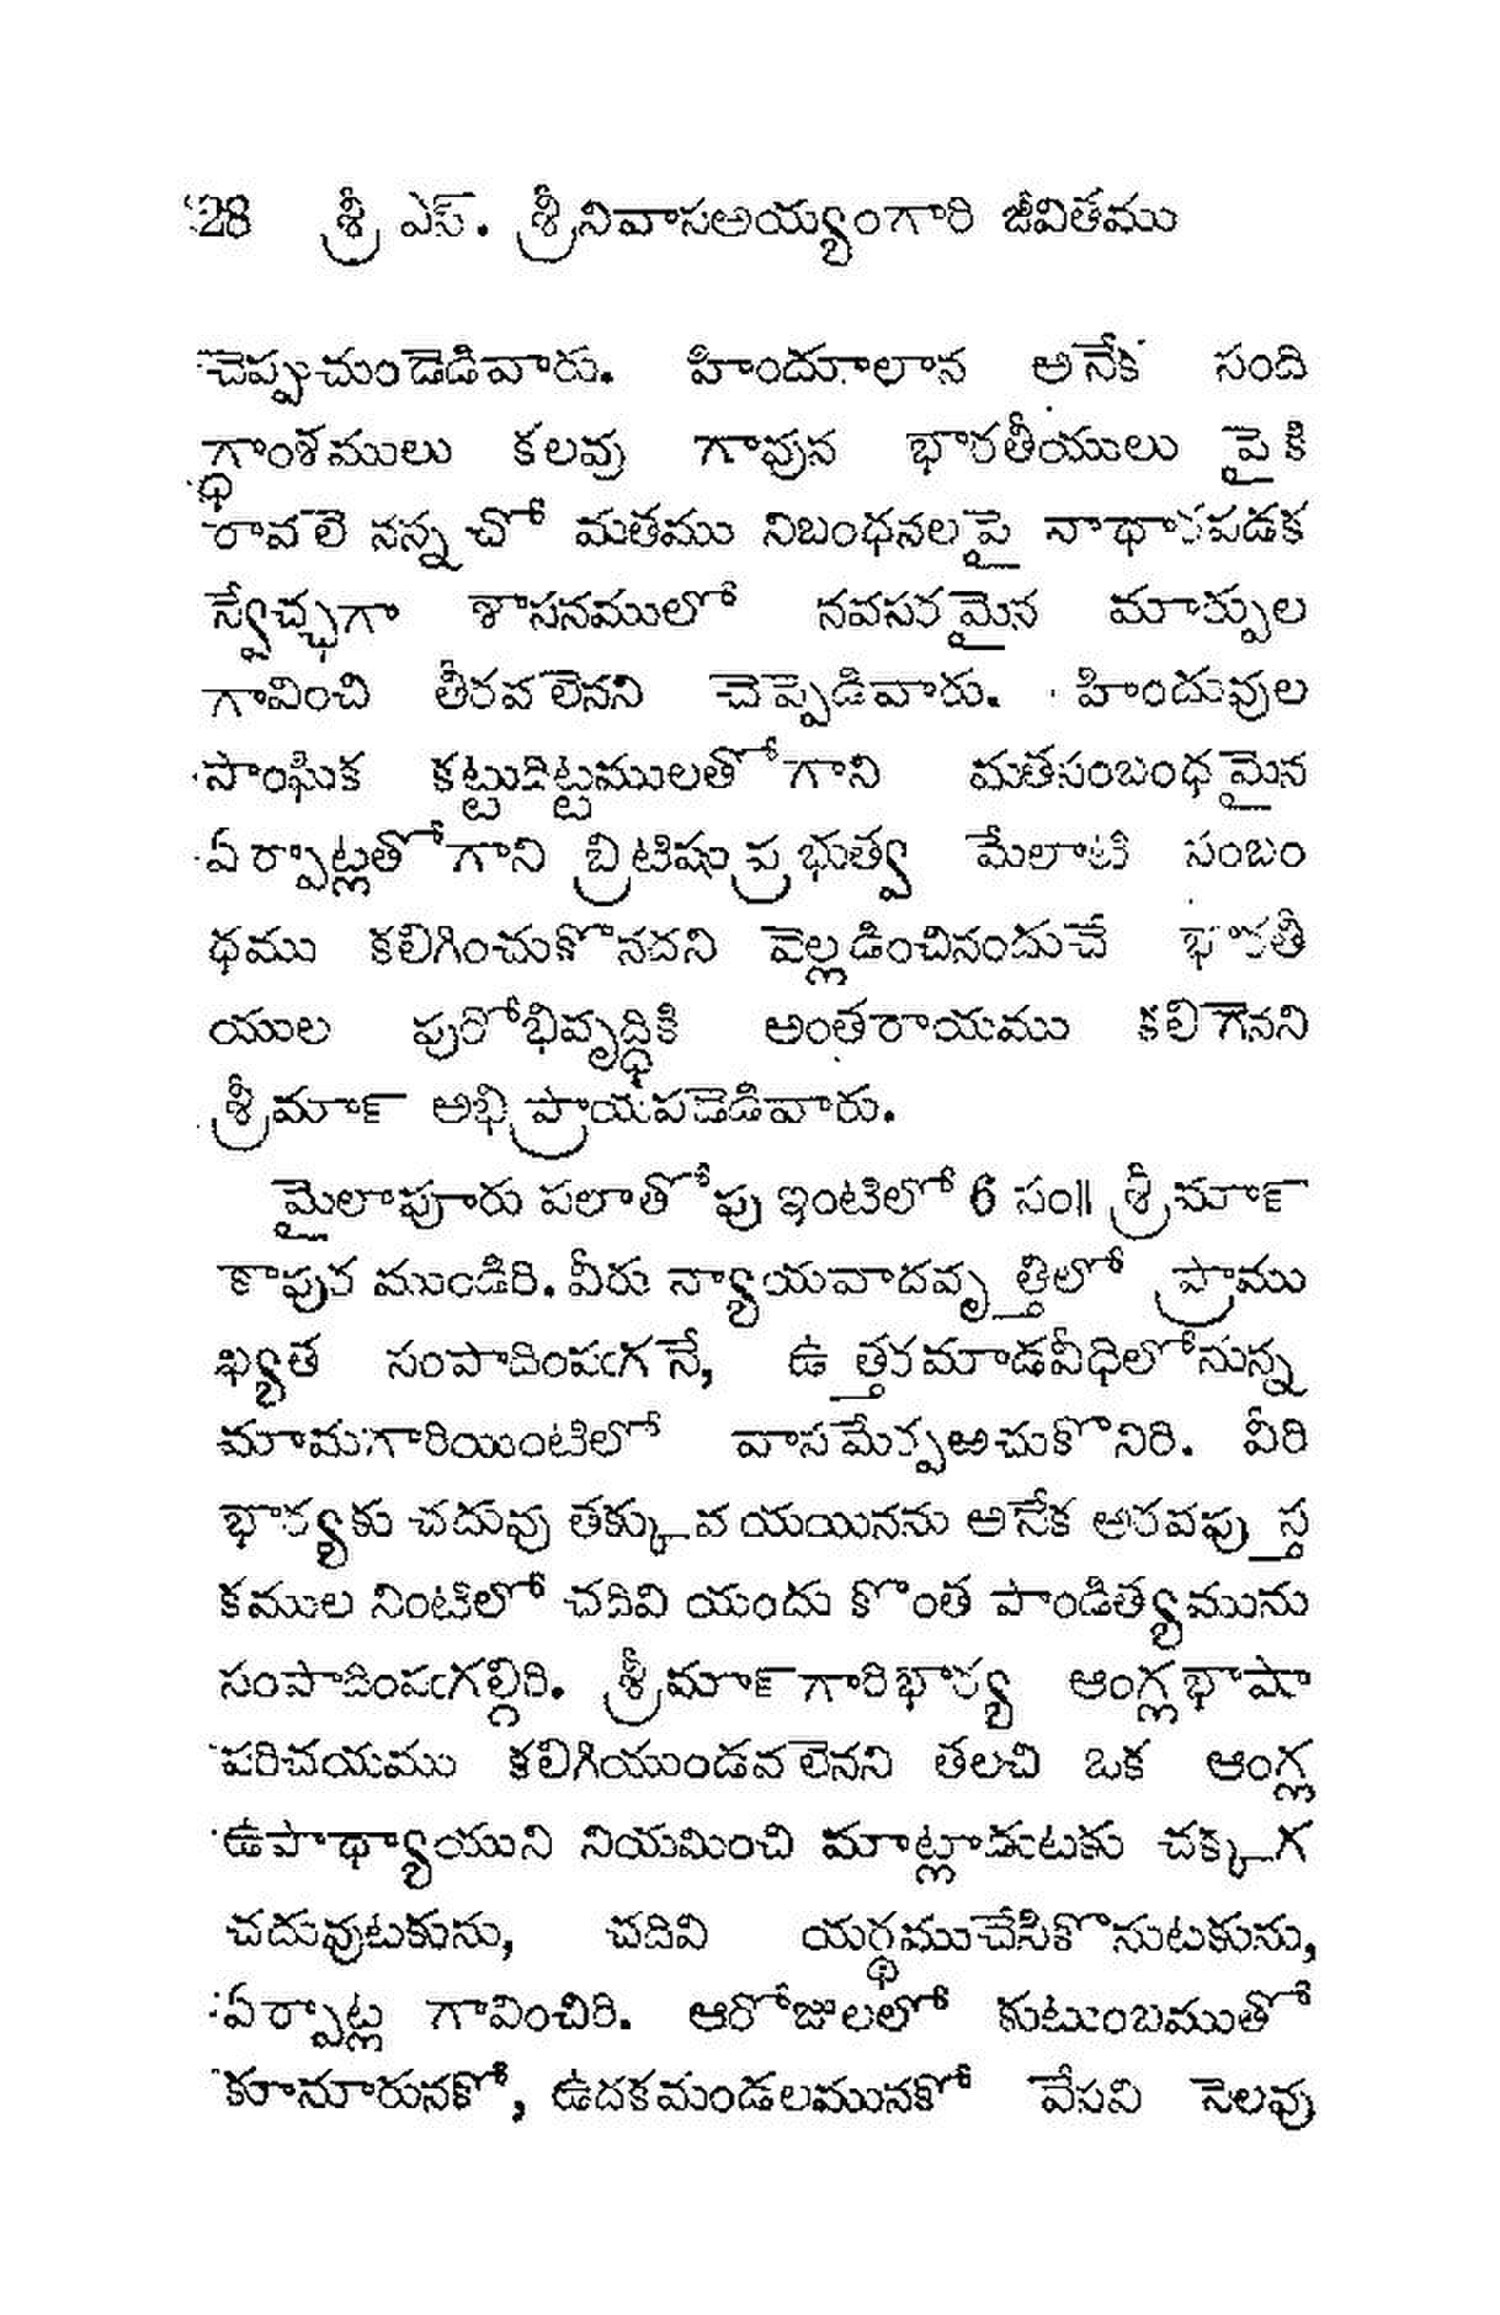చెప్పుచుండెడివారు. హిందూలాన అనేక సందిగ్ధాంశములు కలవు గావున భారతీయులు పైకి రావలె నన్నచో మతము నిబంధనలపై నాథారపడక స్వేచ్చగా శాసనములో నవసరమైన మార్పుల గావించి తీరవలెనని చెప్పెడివారు. హిందువుల సాంఘిక కట్టుదిట్టములతోగాని మతసంబంధమైన ఏర్పాట్లతోగాని బ్రిటిషుప్రభుత్వ మేలాటి సంబంధము కలిగించుకొనదని వెల్లడించినందుచే భారతీయుల పురోభివృద్ధికి అంతరాయము కలిగెనని శ్రీమా౯ అభిప్రాయపడెడివారు.

మైలాపూరు పలాతోపు ఇంటిలో 6 సం|| శ్రీమా౯ కాపుర ముండిరి. వీరు న్యాయవాదవృత్తిలో ప్రాముఖ్యత సంపాదింపఁగనే, ఉత్తరమాడవీధిలోనున్న మామగారియింటిలో వాసమేర్పఱచుకొనిరి. వీరిభార్యకు చదువు తక్కువ యయినను అనేక అరవపుస్తకముల నింటిలో చదివి యందు కొంత పాండిత్యమును సంపాదింపఁగల్గిరి. శ్రీమా౯గారిభార్య ఆంగ్లభాషా పరిచయము కలిగియుండవలెనని తలచి ఒక ఆంగ్ల ఉపాధ్యాయుని నియమించి మాట్లాడుటకు చక్కగ చదువుటకును, చదివి యర్థముచేసికొనుటకును, ఏర్పాట్ల గావించిరి. ఆరోజులలో కుటుంబముతో కూనూరునకో, ఉదకమండలమునకో వేసవి సెలవు